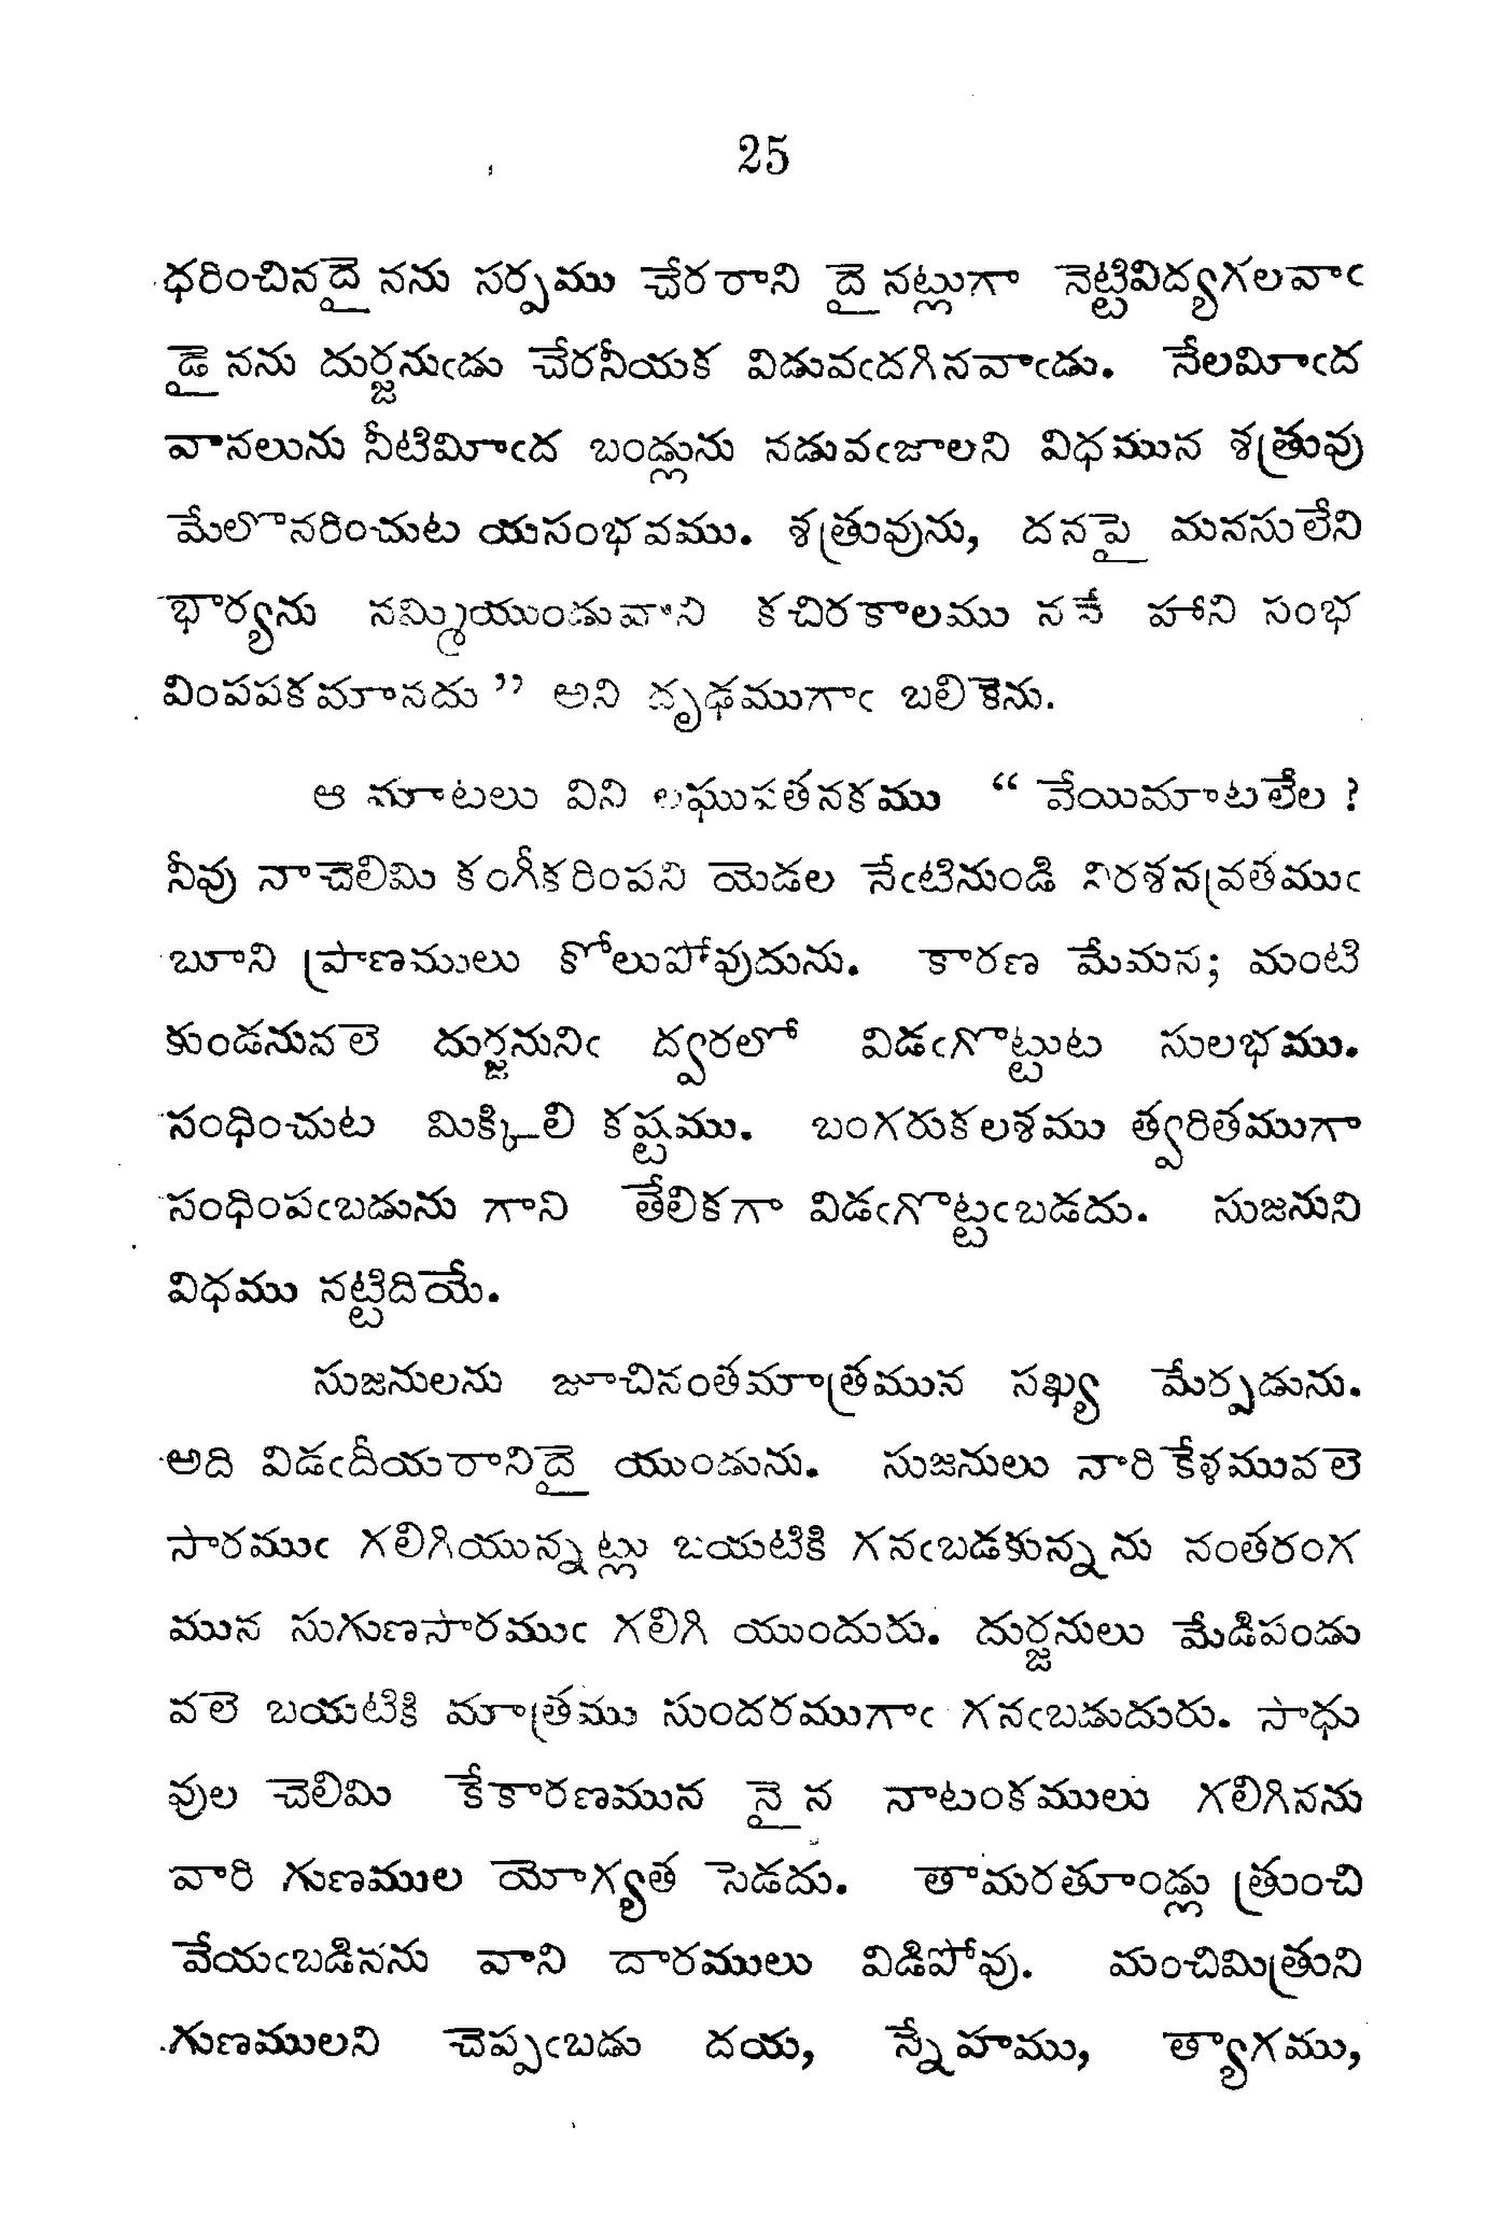ధరించినదై నను సర్పము చేర రాని దైనట్లుగా నెట్టివిద్యగలవాడైనను దుర్జనుడు చేరనీయక విడువదగినవాడు. నేలమీద వానలును నీటిమీద బండ్లును నడువజాలని విధమున శత్రువు మేలొనరించుట యసంభవము. శత్రువును, దనపై మనసులేని భార్యను నమ్మియుండువాని క చిరకాలము ననే హాని సంభవింపకమానదు" అని దృఢముగా బలికెను.

ఆ మాటలు విని లఘుపతనకము "వేయిమాటలేల? నీవు నాచెలిమి కంగీకరింపని యెడల నేటినుండి నిరశనవ్రతము బూని ప్రాణములు కోలుపోవుదును. కారణ మేమన; మంటి కుండనువలె దుర్జనుని ద్వరలో విడగొట్టుట సులభము. సంధించుట మిక్కిలి కష్టము. బంగరుకలశము త్వరితముగా సంధింపబడును గాని తేలికగా విడగొట్టబడదు. సుజనుని విధము నట్టిదియే.

సుజనులను జూచినంతమాత్రమున సఖ్య మేర్పడును. అది విడదీయరానిదై యుండును. సుజనులు నారి కేళమువలె సారము గలిగియున్నట్లు బయటికి గన బడకున్నను నంతరంగమున సుగుణసారము గలిగి యుందురు. దుర్జనులు మేడిపండువలె బయటికి మాత్రము సుందరముగా గనబడుదురు. సాధువుల చెలిమి కేకారణమున నైన నాటంకములు గలిగినను వారి గుణముల యోగ్యత సెడదు. తామరతూండ్లు త్రుంచి వేయబడినను వాని దారములు విడిపోవు. మంచిమిత్రుని గుణములని చెప్పబడు దయ, స్నేహము, త్యాగము,